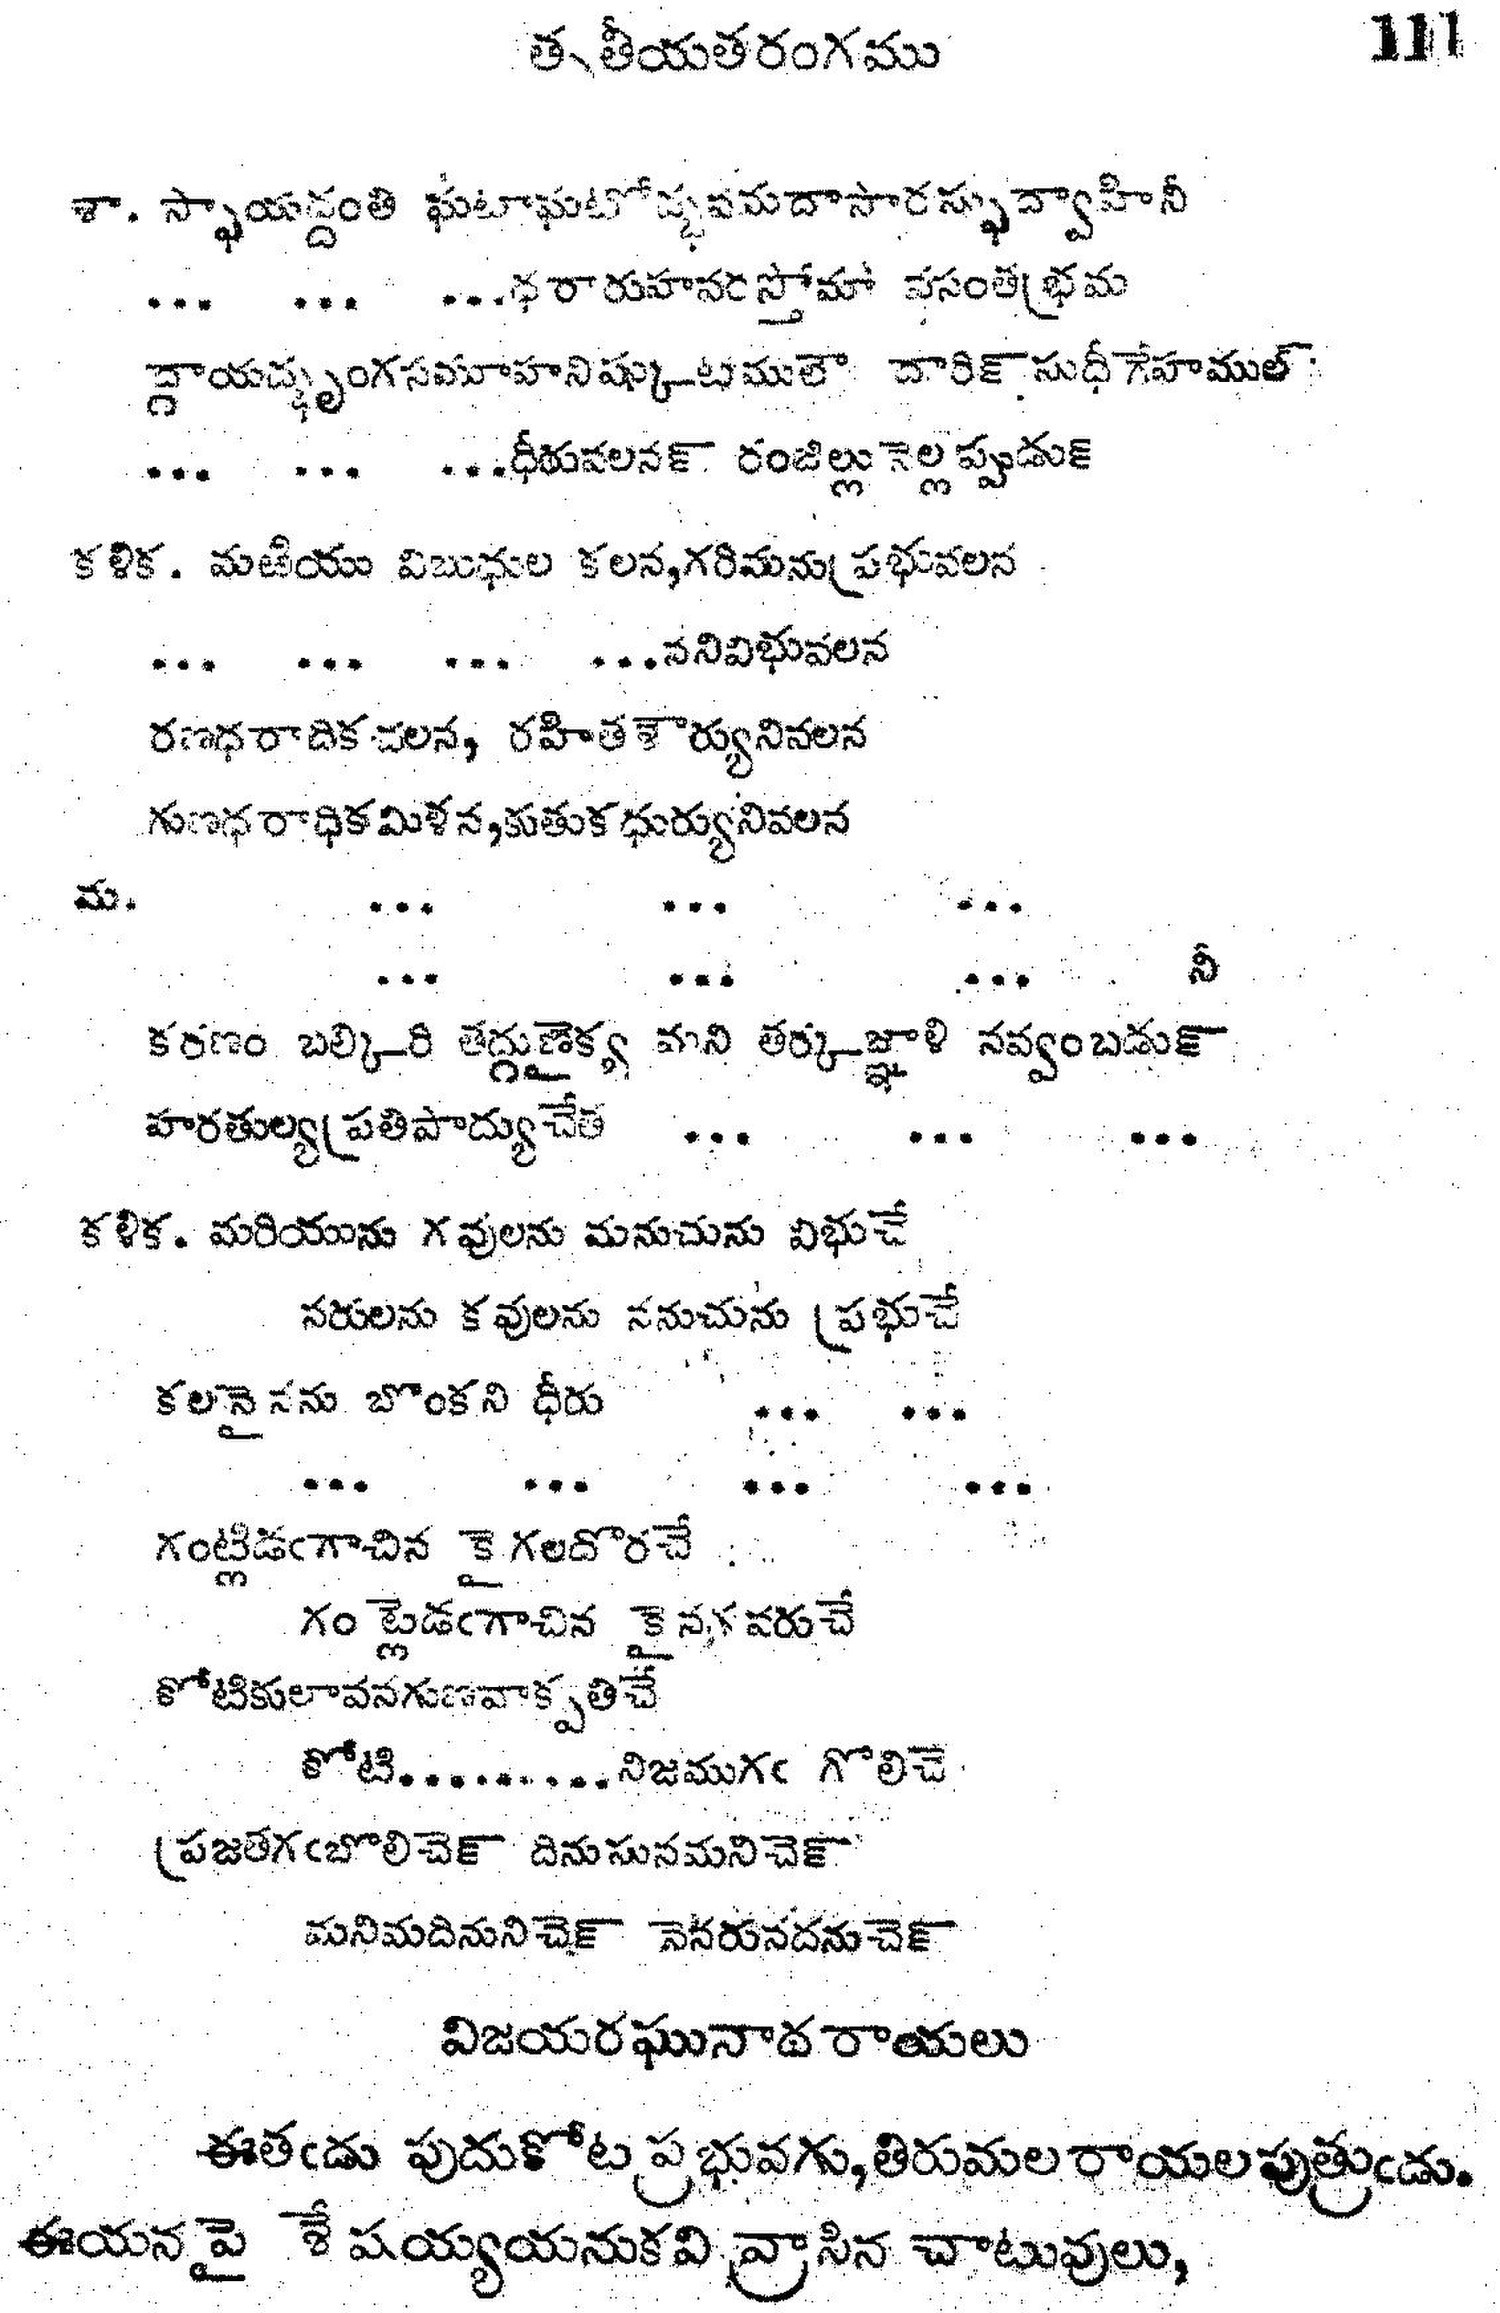శా. స్ఫాయద్దంతి ఘటాఘటోద్భవమదాసారస్ఫుదావాహినీ
 .................................ధరారుహవరస్తోమావసంతభ్రమ
 ద్గాయద్భృంగసమూహనిష్కుటములౌ దారిన్ సుధీగేహముల్
 .......................................ధీరువలనన్ రంజిల్లు నెల్లప్పుడున్,

కళిక. మఱియు విబుధుల కలన, గరిమనుప్రభువలన
 .............................................ననివిభువలన
 రణధరాదికచలన, రహితశౌర్యునివలన
 గుణధరాధికమిళన, కుతుకధుర్యునివలన

మ. ...............................................................
 .............................................................నీ
 కరణం బల్కిరి తద్గుణైక మని తర్కజ్ఞాళి నవ్వంబడున్
 హరతుల్యప్రతిపాద్యుచేత..................................

కళిక. మరియును గవులను మనుచును విభుచే
 నరులను కవులను ననుచును ప్రభుచే
 కలనైనను బొంకని ధీరు........................
 ...................................................
 గంట్లిండఁగాచిన కైగలదొరచే
 గంట్లెడఁగాచిన కైనరవరుచే
 కోటికులావనగుణవాక్పతిటే
 కోటి..........................నిజముగఁ గొలిచె
 ప్రజతగఁబొలిచెన్ దినుసునమనిచెన్
 మనిమదినునిచెన్ నెనరునదనుచెన్

ఈతఁడు పుదుకోటప్రభువగు తిరుమలరాయల పుత్రుఁడు. ఈయనపై శేషయ్యయనుకవి వ్రాసిన చాటువులు,